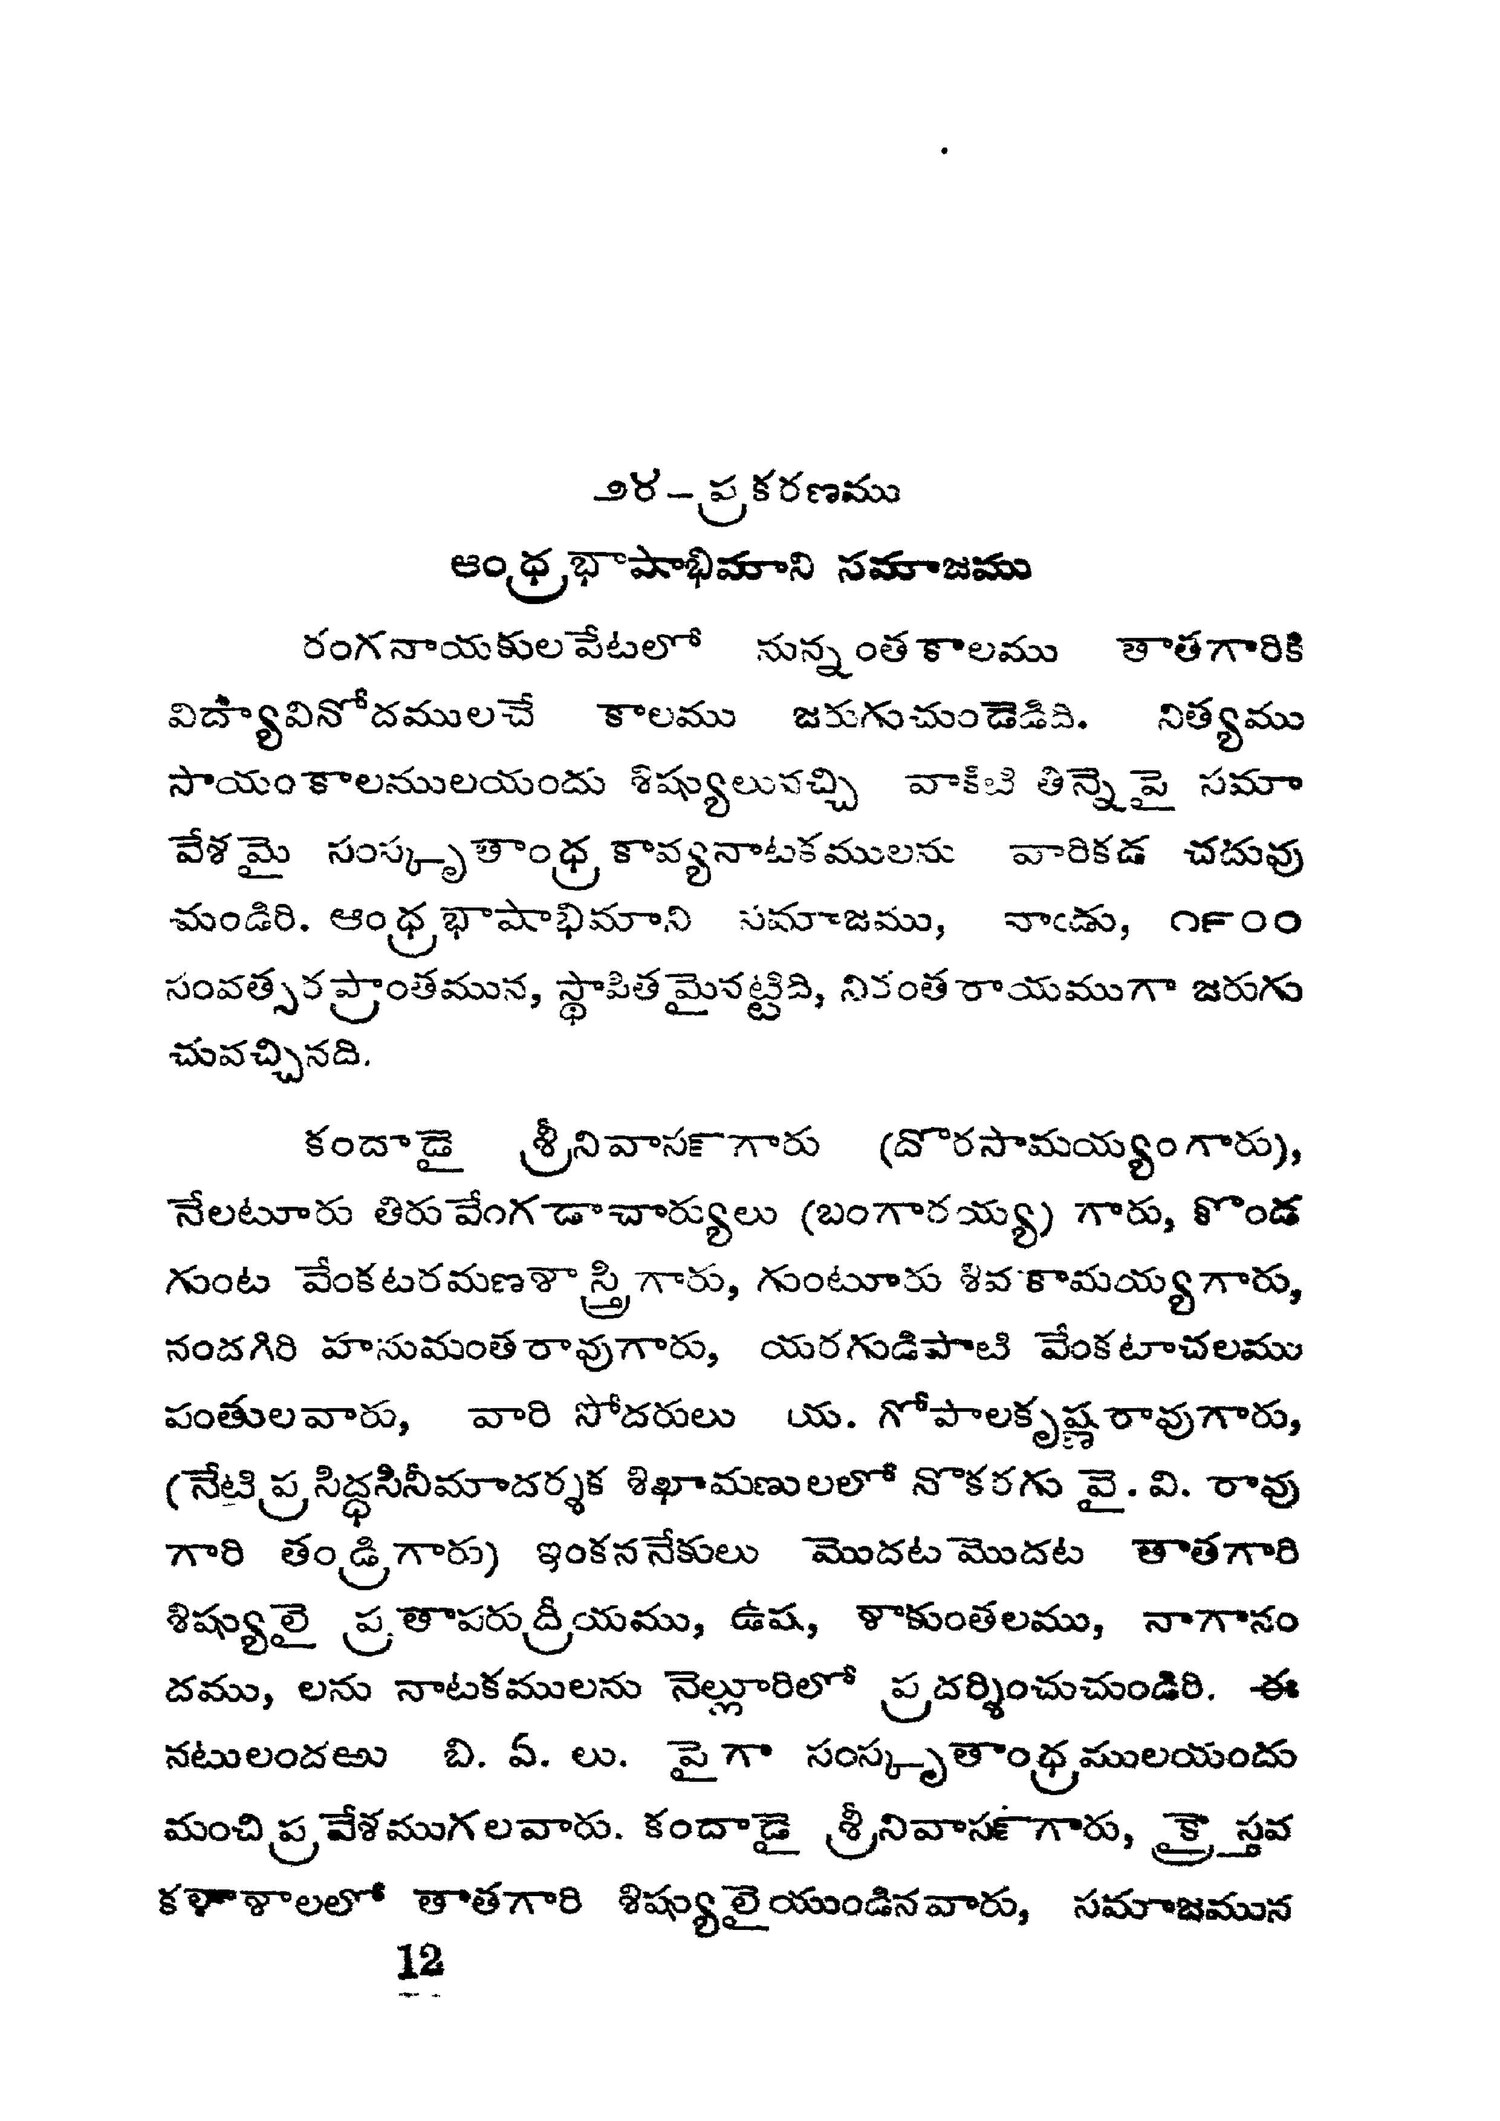రంగనాయకులపేటలో నున్నంతకాలము తాతగారికి విద్యావినోదములచే కాలము జరుగుచుండెడిది. నిత్యము సాయంకాలములయందు శిష్యులువచ్చి వాకిట తిన్నెపై సమావేశమై సంస్కృతాంధ్ర కావ్యనాటకములను వారికడ చదువు చుండిరి. ఆంధ్రభాషాభిమాని సమాజము, నాడు, 1900 సంవత్సరప్రాంతమున, స్థాపితమైనట్టిది, నిరంతరాయముగా జరుగుచువచ్చినది.

కందాడై శ్రీనివాసన్‌గారు (దొరసామయ్యంగారు), నేలటూరు తిరువేంగడాచార్యులు (బంగారయ్య) గారు, కొండగుంట వేంకటరమణశాస్త్రి గారు, గుంటూరు శివకామయ్యగారు, నందగిరి హనుమంతరావు గారు, యరగుడిపాటి వేంకటాచలము పంతులవారు, వారి సోదరులు య. గోపాలకృష్ణరావుగారు, (నేటిప్రసిద్ధసినిమాదర్శక శిఖామణులలో నొకరగు వై.వి. రావుగారి తండ్రిగారు) ఇంకననేకులు మొదటమొదట తాతగారి శిష్యులై ప్రతాపరుద్రీయము, ఉష, శాకుంతలము, నాగానందము, లను నాటకములను నెల్లూరిలో ప్రదర్శించుచుండిరి. ఈ నటులందఱు బి.ఏ.లు. పైగా సంస్కృతాంధ్రములయందు మంచి ప్రవేశముగలవారు. కందాడై శ్రీనివాసన్‌గారు, క్రైస్తవ కళాశాలలో తాతగారి శిష్యులైయుండినవారు, సమాజమున